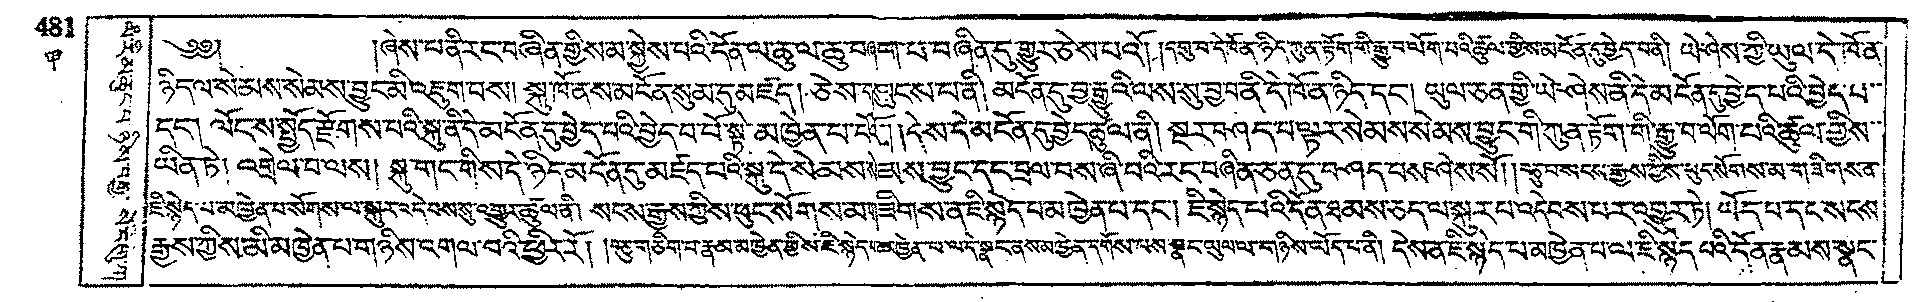༄༅། །ཞེས་པ་ནི་རང་བཞིན་གྱིས་མ་སྐྱེས་པའི་དོན་ལ་ཆུ་ལ་ཆུ་བཞག་པ་བཞིན་དུ་གྱུར་ཅེས་པའོ། །དགུ་པ་དེ་ཁོ་ན་ཉིད་ཀུན་རྟོག་གི་རྒྱུ་བ་ལོག་པའི་ཚུལ་གྱིས་མངོན་དུ་བྱེད་པ་ནི།  ཡེ་ཤེས་ཀྱི་ཡུལ་དེ་ཁོ་ན་
ཉིད་ལ་སེམས་སེམས་བྱུང་མི་འཇུག་པས། སྐུ་ཁོ་ནས་མངོན་སུམ་དུ་མཛད། ཅེས་གསུངས་པ་ནི། མངོན་དུ་བྱ་རྒྱུའི་ལས་སུ་བྱ་བ་ནི་དེ་ཁོ་ན་ཉིད་དང་། ཡུལ་ཅན་གྱི་ཡི་ཤེས་ནི་དེ་མངོན་དུ་བྱེད་པའི་བྱེད་པ་
དང་། ལོངས་སྤྱོད་རྫོགས་པའི་སྐུ་ནི་དེ་མངོན་དུ་བྱེད་པའི་བྱེད་པ་པོ་སྟེ་མཁྱེན་པ་པོའོ། །དེས་དེ་མངོན་དུ་བྱེད་ཚུལ་ནི། སྔར་བཤད་པ་ལྟར་སེམས་སེམས་བྱུང་གི་ཀུན་རྟོག་གི་རྒྱུ་བ་ལོག་པའི་ཚུལ་གྱིས་
ཡིན་ཏེ། འགྲེལ་པ་ལས། སྐུ་གང་གིས་དེ་ཉིད་མངོན་དུ་མཛད་པའི་སྐུ་དེ་སེམས་སེམས་བྱུང་དང་བྲལ་བས་ཞི་བའི་རང་བཞིན་ཅན་དུ་བཤད་པས་ཤེས་སོ། །བཅུ་པ་སངས་རྒྱས་ཀྱིས་ཕུང་སོགས་མ་གཟིགས་ན་
ཇི་སྙེད་པ་མཁྱེན་པ་སོགས་ལ་སྐུར་འདེབས་སུ་འགྱུར་ཚུལ་ནི། སངས་རྒྱས་ཀྱིས་ཕུང་སོགས་མ་གཟིགས་ན་ཇི་སྙེད་པ་མཁྱེན་པ་དང་། ཇི་སྙེད་པའི་དོན་ཐམས་ཅད་ལ་སྐུར་པ་འདེབས་པར་འགྱུར་ཏེ། ཡོད་པ་དང་སངས་
རྒྱས་ཀྱིས་མི་མཁྱེན་པ་གཉིས་འགལ་བའི་ཕྱིར་རོ། །བཅུ་གཅིག་པ་རྣམ་མཁྱེན་གྱིས་ཇི་སྙེད་པ་མཁྱེན་པ་ལ་དེ་སྣང་ནས་མཁྱེན་དགོས་པས་སྣང་ཡུལ་ལ་གཉིས་ཡོད་པ་ནི།  དེས་ན་ཇི་སྙེད་པ་མཁྱེན་པ་ལ་ཇི་སྙེད་པའི་དོན་རྣམས་སྣང་